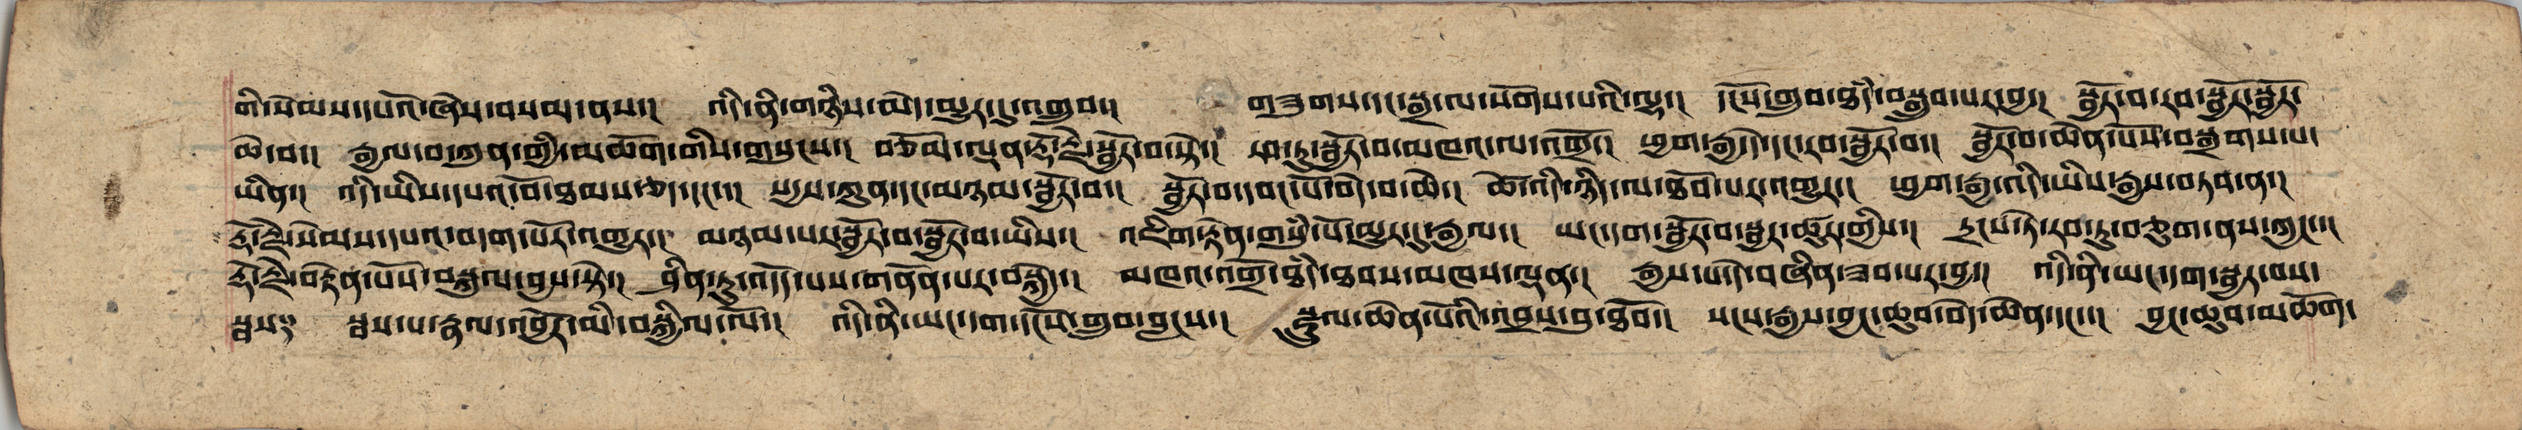གི་སེམས་དཔའོ་ཞེས་བསམ་ནས་། འདི་ནི་གཉིས་མེད་མྱུར་དུ་འགྲུབ་། གཟུགས་དང་སྒྲ་ལ་སོགས་པའི་ལྷ་། དངོས་གྲུབ་ཐཾད་བསྒྲུབ་པར་བྱ་། སྦྱོར་བ་རབ་སྦྱོར་སྦྱོར་
ཆེ་བ་། རྒྱལ་བ་ཀུན་གྱི་མཆོག་གིས་གསུངས་། བཅོམ་ལྡན་རྡོ་རྗེ་སྦྱོར་བ་སྟེ་། རབ་ཏུ་སྦྱོར་བ་མཁའ་ལ་འགྲོ་། ཕྱག་རྒྱ་དེ་དང་རབ་སྦྱོར་བ་། སྦྱོར་བ་ཆེན་པོས་བསྒྲགས་པ་
ཡིན་། འདི་ཡིས་དཔའ་བོ་ཐམས་ཅད་དང་་། སདྱས་ཀུན་དང་མཉམ་སྦྱོར་བ་། སྦྱོར་བ་དབང་པོ་བདེ་བ་ཆེ་། ཚེ་འདི་ཉིད་ལ་ཐོབ་པར་འགྱུར་། ཕྱག་རྒྱ་འདི་ཡིས་རྒྱས་བཏབ་ན་།
རྡོ་རྗེ་སེམས་དཔའ་བདག་པོར་འགྱུར་། མཉམ་པར་སྦྱོར་བ་སྦྱོར་བ་ཡིས་། འཇིག་རྟེན་གསུཾ་པོ་མྱུར་དུ་རྒྱལ་། ཡང་དག་སྦྱོར་བ་སྦྱར་ཚུར་གྱིས་། དྲངས་ཏེ་རབ་ཏུ་བཅུག་ནས་ཀྱང་་།
རྡོ་རྗེ་བརྟེན་པོས་བསྐུལ་བྱས་སྟེ་། ཤིན་ཏུ་འདོད་པས་གནོན་པར་བསྐྱེད་། མཁའ་འགྲོ་ཐཾད་ཐབས་མཁས་ལྡན་། རྒྱས་པ་དེ་བཞིན་ཟབ་པར་བྱ་། འདི་ནི་ཡང་དག་སྦྱར་བས་
སྦས༑ སྦས་པ་རྣལ་འབྱོར་མི་བསྐྱིལ་ལོ་། འདི་ནི་ཡང་དག་དངོས་གྲུབ་བླངས་། སྫྲུལ་ཆེན་པོའི་འབྲས་བུ་ཐོབ་། སངས་རྒྱས་བྱང་ཆུབ་བདེ་ཆེན་དང་་། བྱང་ཆུབ་མཆོག་